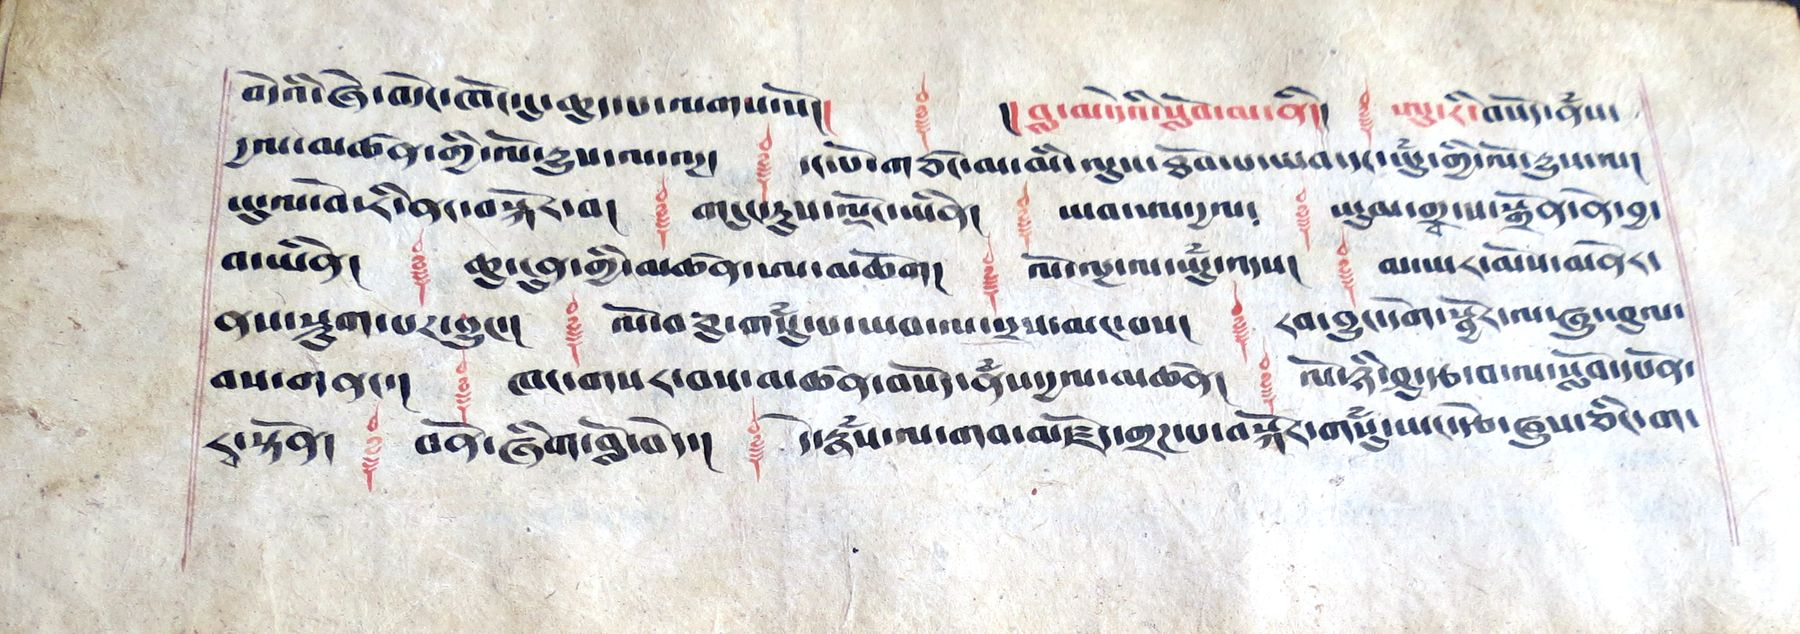བདེ་ཞིང་གདེང་ཁོང་དུ་ཆུད་པ་ལགས་སོ། ། བླ་མ་དེའི་སློབ་མ་ནི། ཨུ་རི་བསོད་ནམས་
རྒྱལ་མཚན་གྱི་ལོ་རྒྱུས་ལ་ལྔ། དང་པོ་གཙང་མ་མི་ལུས་ཐོབ་པ་ཡབ་དང་ཡུམ་གྱི་ལོ་རྒྱུས་ལ། 
ཡུལ་ནི་བི་རི་ནང་སྐོར་བ། གདུང་རུས་ལྡོང་ཡིན། ཡབ་ཨ་རྒྱལ་ཡུམ་གྲ་བཟའ་སྒྲོན་ནེ་བྱ་
བ་ཡིན། ཆུང་ངུན་གྱི་མཚན་ཨ་མཆོག ལོ་ལྔ་པ་ལ་ཡུམ་འདས། མ་ཡར་མོས་མནར་
ནས་སྡུག་པ་བྱུང་། ལོ་བཅུ་གསུམ་པ་ལ་ཡབ་ལ་སྲས་མང་པས། རབ་བྱུང་དགེ་སྦྱོར་ལ་ཞུ་བ་ཕུལ་
བས་གནང་། ཁང་གསར་བས་མཚན་བསོད་ནམས་རྒྱལ་མཚན་དུ་གསོལ། ལོ་ཉི་ཤུ་བ་ལ་སློབ་དཔོན་
རས་སྟོན་བོན་ཞིག་བློ་བདེ། དེ་རྣམས་ལ་གབ་མཛོད་སྒགས་པ་སྐོར་གསུམ་ཡང་རྩེ་ཞུས་ཤིང་ག་